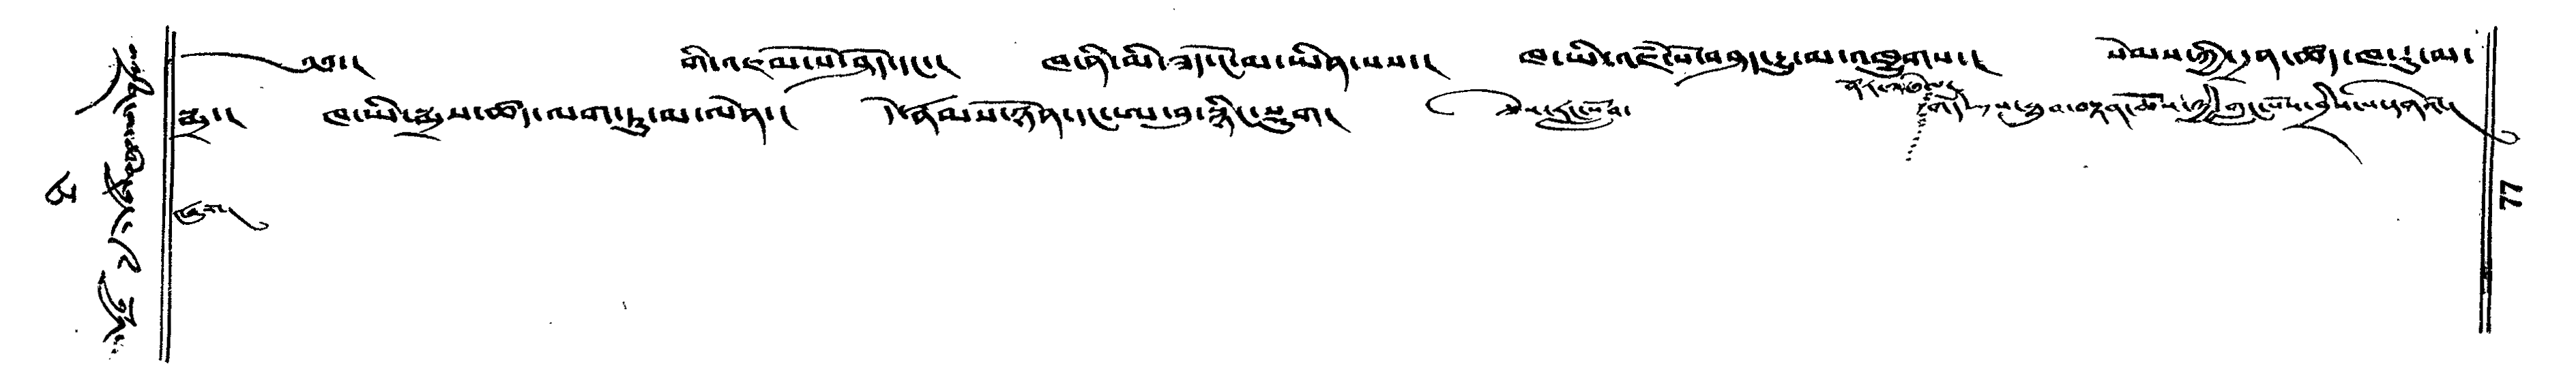གིས་འཇམ་པོ་ཤོད་དང་། ཁ་ནི་མི་ཟད་ངོ་མ་ཡིན་པས། ཁ་ཡི་འཇམ་པོ་བཤད་རྒྱུ་མ་ཆུགས། །སེམས་ཀྱི་དྲན་ཚད་ཁ་རུ་མ་
སྨྲ། ཁ་ཡི་སྨྲས་ཚད་ལག་ཏུ་མ་ལེན། །དེ་རྣམས་ཉོན་དང་ཨ་བུའི་སྙིང་སྡུག ཅེས་རང་སློབ་ནོར་འཕེལ་ལ་གདམས་པ་ཐུབ་བསྟན་ཆོས་ཀྱི་གླང་པོས་བྲིས་པ་དགེའོ།། 
མངྒ་ལཾ།།